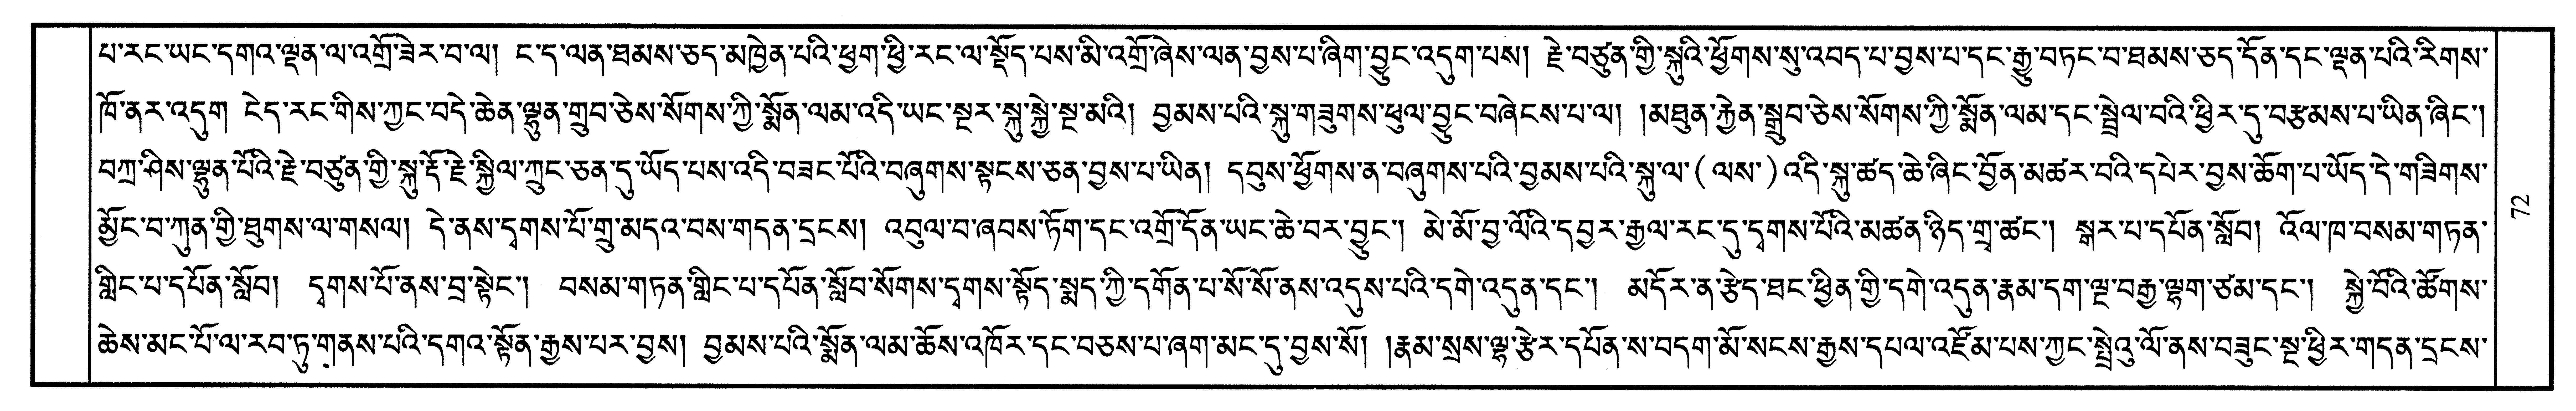པ་རང་ཡང་དགའ་ལྡན་ལ་འགྲོ་ཟེར་བ་ལ། ང་ད་ལན་ཐམས་ཅད་མཁྱེན་པའི་ཕྱག་ཕྱི་རང་ལ་སྡོད་པས་མི་འགྲོ་ཞེས་ལན་བྱས་པ་ཞིག་བྱུང་འདུག་པས། རྗེ་བཙུན་གྱི་སྐུའི་ཕྱོགས་སུ་འབད་པ་བྱས་པ་དང་རྒྱུ་བཏང་བ་ཐམས་ཅད་དོན་དང་ལྡན་པའི་རིགས་
ཁོ་ནར་འདུག་ངེད་རང་གིས་ཀྱང་བདེ་ཆེན་ལྷུན་གྲུབ་ཅེས་སོགས་ཀྱི་སྨོན་ལམ་འདི་ཡང་སྔར་སྐུ་སྐྱེ་སྔ་མའི། བྱམས་པའི་སྐུ་གཟུགས་ཕུལ་བྱུང་བཞེངས་པ་ལ། །མཐུན་རྐྱེན་སྒྲུབ་ཅེས་སོགས་ཀྱི་སྨོན་ལམ་དང་སྦྲེལ་བའི་ཕྱིར་དུ་བརྩམས་པ་ཡིན་ཞིང་།
བཀྲ་ཤིས་ལྷུན་པོའི་རྗེ་བཙུན་གྱི་སྐུ་རྡོ་རྗེ་སྐྱིལ་ཀྲུང་ཅན་དུ་ཡོད་པས་འདི་བཟང་པོའི་བཞུགས་སྟངས་ཅན་བྱས་པ་ཡིན། དབུས་ཕྱོགས་ན་བཞུགས་པའི་བྱམས་པའི་སྐུ་ལ་ལས་འདི་སྐུ་ཚད་ཆེ་ཞིང་བྱོན་མཚར་བའི་དཔེར་བྱས་ཆོག་པ་ཡོད་དེ་གཟིགས་
མྱོང་བ་ཀུན་གྱི་ཐུགས་ལ་གསལ། དེ་ནས་དྭགས་པོ་གྲུ་མདའ་བས་གདན་དྲངས། འབུལ་བ་ཞབས་ཏོག་དང་འགྲོ་དོན་ཡང་ཆེ་བར་བྱུང་། མེ་མོ་བྱ་ལོའི་དབྱར་རྒྱལ་རང་དུ་དྭགས་པོའི་མཚན་ཉིད་གྲྭ་ཚང་། སྒར་པ་དཔོན་སློབ། འོལ་ཁ་བསམ་གཏན་
གླིང་པ་དཔོན་སློབ། དྭགས་པོ་ནས་བྲ་སྟེང་། བསམ་གཏན་གླིང་པ་དཔོན་སློབ་སོགས་དྭགས་སྟོད་སྨད་ཀྱི་དགོན་པ་སོ་སོ་ནས་འདུས་པའི་དགེ་འདུན་དང་། མདོར་ན་རྩེད་ཐང་ཕྱིན་གྱི་དགེ་འདུན་རྣམ་དག་ལྔ་བརྒྱ་ལྷག་ཙམ་དང་། སྐྱེ་བོའི་ཚོགས་
ཆེས་མང་པོ་ལ་རབ་ཏུ་གནས་པའི་དགའ་སྟོན་རྒྱས་པར་བྱས། བྱམས་པའི་སྨོན་ལམ་ཆོས་འཁོར་དང་བཅས་པ་ཞག་མང་དུ་བྱས་སོ། །རྣམ་སྲས་ལྷ་རྩེར་དཔོན་ས་བདག་མོ་སངས་རྒྱས་དཔལ་འཛོམ་པས་ཀྱང་སྤྲེའུ་ལོ་ནས་བཟུང་སྔ་ཕྱིར་གདན་དྲངས་